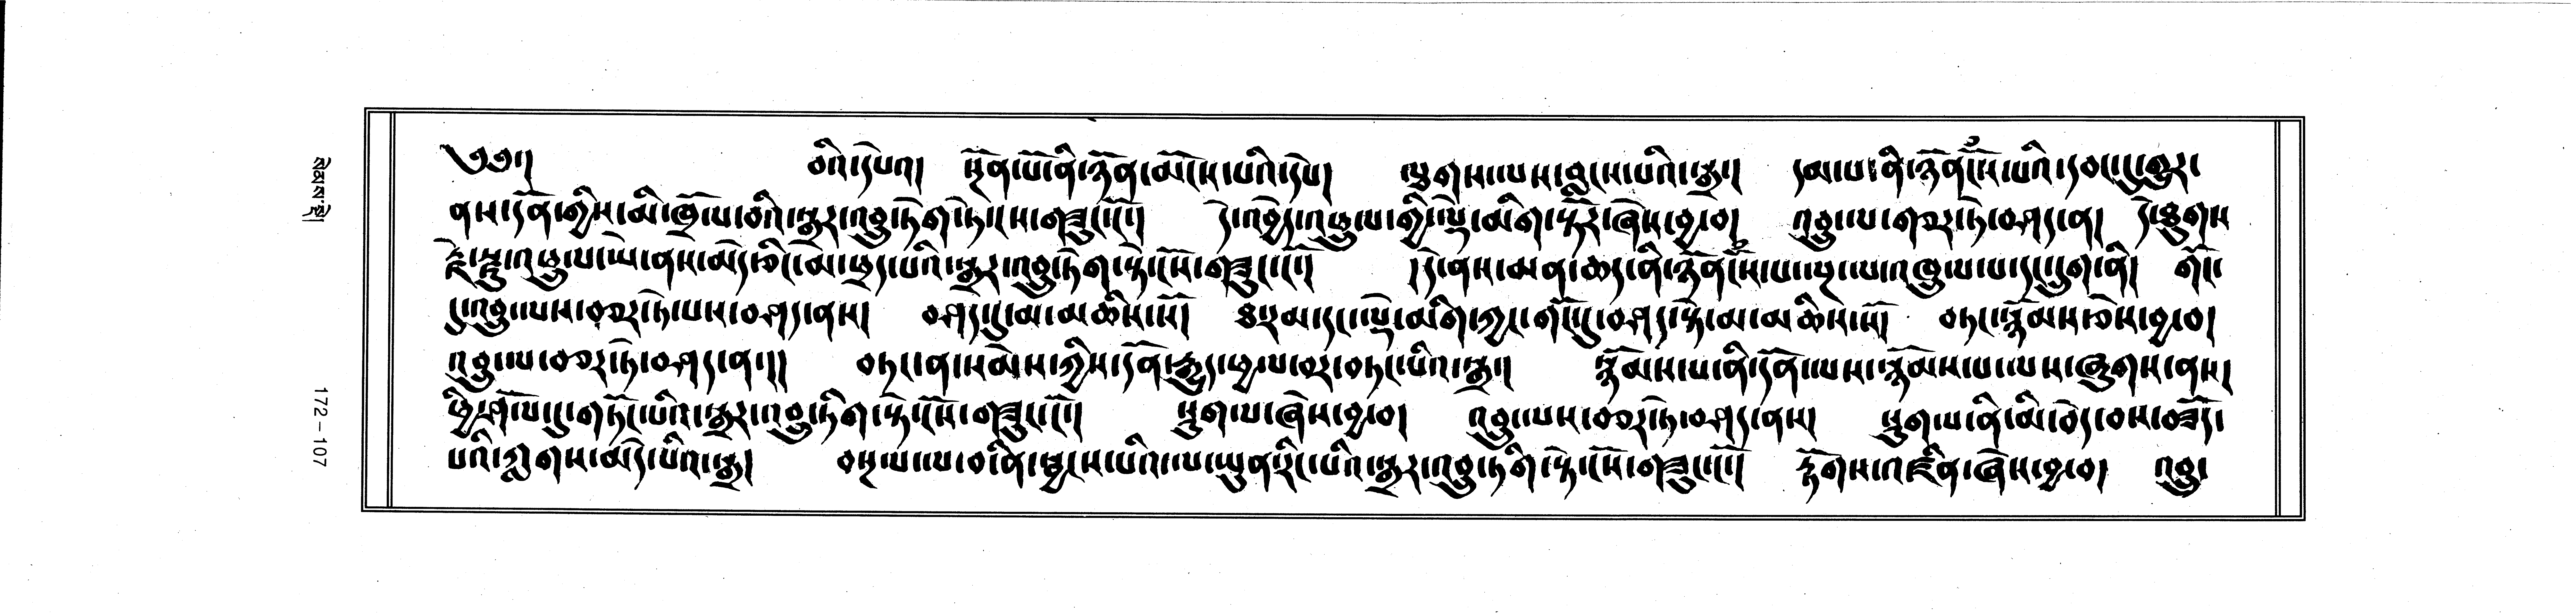བའི་དཔེའ། སྔོན་པོ་ནི་ཉོན་མོངས་པའི་དཔེ། ལྕགས་ལས་བླངས་པའི་སྒྲ། དམ་པ་ནི་ཉོན་མོངས་པའི་དབང་དུ་གྱུར་
ནས་དོན་གྱིས་མི་ཁྲོལ་བའི་སྒྲར་འབྲུ་ཏིག་ཏེ་ངས་གཟུང་ངོ་། དེ་འབྱེད་འཕྲུལ་གྱི་ལྡེ་མིག་སྟོར་ཞེས་བྱ་བ། འབྲུ་ལ་གཅར་ཏེ་བཤད་ན། དེ་ཐུགས་
རྗེ་རྫུ་འཕྲུལ་ཡེ་ནས་མེད་ཅིང་མ་ཕྲད་པའི་སྒྲར་འབྲུ་ཏིག་ངོས་གཟུང་ངོ་། དེ་ནས་མན་ཆད་ནི་ཉོན་མོངས་པ་ལྔ་ལ་འཁྲུལ་པ་དང་དྲུག་ནི། གོང་
དུ་འབྲུ་ལས་བཅར་ཏེ་བཤད་ནས། བཤད་དུ་མ་མཆིས་སོ། ཐ་རམ་དང་ལྡེ་མིག་ཀྱང་གོང་དུ་བཤད་སྟེ་མ་མཆིས་སྭོ། བཏང་སྙོམས་ཅེས་བྱ་བ། 
འབྲུ་ལ་བཅར་ཏེ་བཤད་ན། བཏང་ན་སེམས་ཀྱིས་དོན་རྒྱུད་ཕྱལ་བར་བཏང་པའི་སྒྲ། སྙོམས་པ་ནི་དོན་ལས་སྙོམས་པ་ལས་ཞུགས་ནས། 
ཕྱི་ཤོལ་དུ་གཏོང་པའི་སྒྲར་འབྲུ་ཏིག་སྟེ་ངོས་གཟུང་ངོ་། སྡུག་བསྔལ་ཞེས་བྱ་བ། འབྲུ་ལས་བཅར་ཏེ་བཤད་ནས། སྡུག་བསྔལ་ནི་མི་བདེ་བས་བཟོད་
པའི་ཀླགས་མེད་པའི་སྒྲ། བསྔལ་བ་ལ་ནི་སྦྱངས་པའི་ཡུན་རིང་པའི་སྒྲར་འབྲུ་ཏིག་སྟེ་ངོས་གཟུང་ངོ་། རྟོགས་འཛིན་ཞེས་བྱ་བ། འབྲུ་